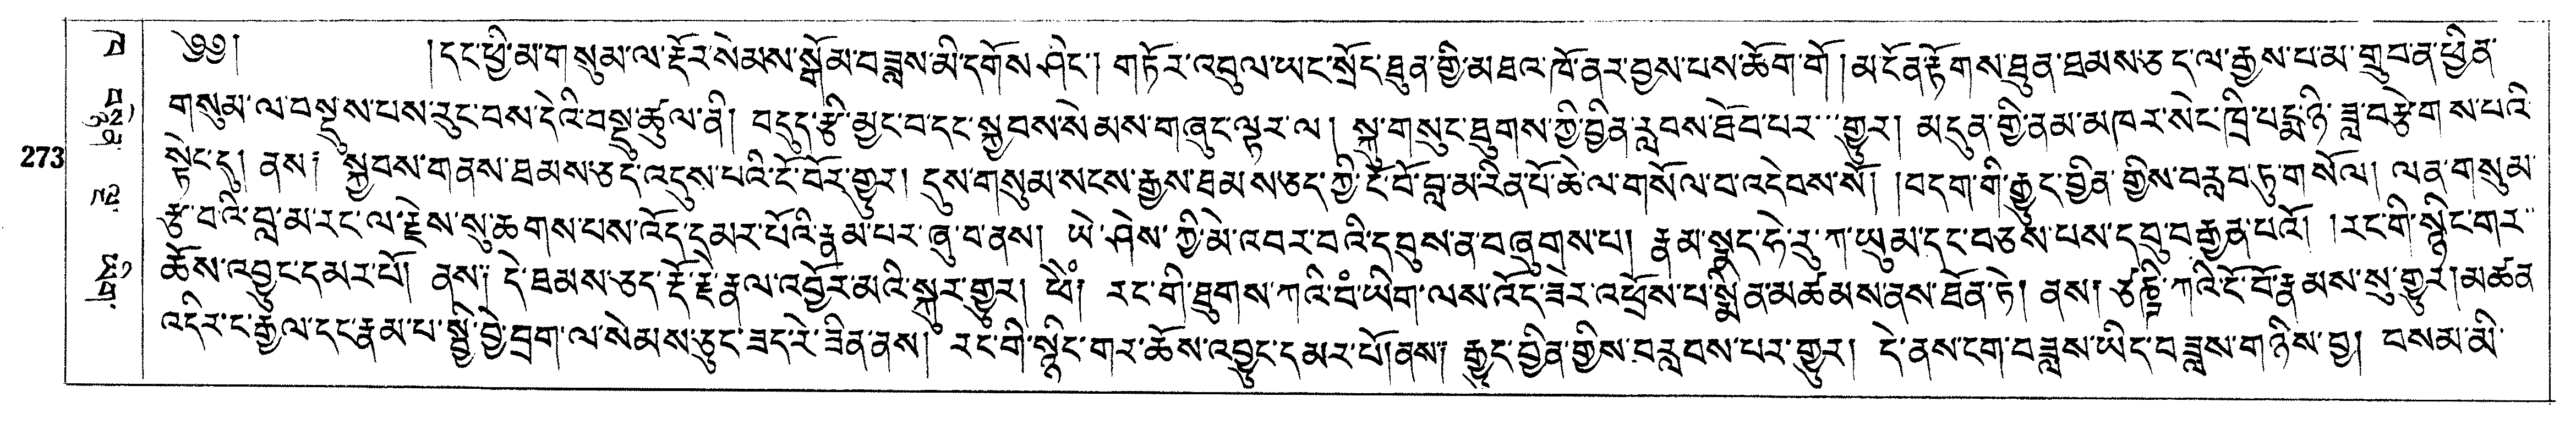༄༅། །དང་ཕྱི་མ་གསུམ་ལ་རྡོར་སེམས་སྒོམ་བཟླས་མི་དགོས་ཤིང་། གཏོར་འབུལ་ཡང་སྲོད་ཐུན་གྱི་མཐའ་ཁོ་ནར་བྱས་པས་ཆོག་གོ །མངོན་རྟོགས་ཐུན་ཐམས་ཅད་ལ་རྒྱས་པ་མ་གྲུབ་ན་ཕྱི་མ་
གསུམ་ལ་བསྡུས་པས་རུང་བས་དེའི་བསྡུ་ཚུལ་ནི། བདུད་རྩི་མྱང་བ་དང་སྐྱབས་སེམས་གཞུང་ལྟར་ལ། སྐུ་གསུང་ཐུགས་ཀྱི་བྱིན་རླབས་ཐོབ་པར་འགྱུར། མདུན་གྱི་ནམ་མཁར་སེང་ཁྲི་པདམ་ཉི་ཟླ་བརྩེགས་པའི་
སྟེང་དུ། ནས༑ སྐྱབས་གནས་ཐམས་ཅད་འདུས་པའི་ངོ་བོར་གྱུར། དུས་གསུམ་སངས་རྒྱས་ཐམས་ཅད་ཀྱི་ངོ་བོ་བླ་མ་རིན་པོ་ཆེ་ལ་གསོལ་བ་འདེབས་སོ། །བདག་གི་རྒྱུད་བྱིན་གྱིས་བརླབ་ཏུ་གསོལ། ལན་གསུམ།
རྩ་བའི་བླ་མ་རང་ལ་རྗེས་སུ་ཆགས་པས་འོད་དམར་པོའི་རྣམ་པར་ཞུ་བ། ནས། ཡེ་ཤེས་ཀྱི་མེ་འབར་བའི་དབུས་ན་བཞུགས་པ། རྣམ་སྣང་ཧེ་རུ་ཀ་ཡུམ་དང་བཅས་པས་དབུ་བརྒྱན་པའོ། །རང་གི་སྙིང་གར་
ཆོས་འབྱུང་དམར་པོ། ནས༑ དེ་ཐམས་ཅད་རྡོ་རྗེ་རྣལ་འབྱོར་མའི་སྐུར་གྱུར། ཕཻཾ༑ རང་གི་ཐུགས་ཀའི་བཾ་ཡིག་ལས་འོད་ཟེར་འཕྲོས་པ་སྨིན་མཚམས་ནས་ཐོན་ཏེ། ནས༑ ཙཎྜི་ཀའི་ངོ་བོ་རྣམས་སུ་གྱུར། མཚམས་
འདིར་ང་རྒྱལ་དང་རྣམ་པ་སྤྱི་བྱེ་བྲག་ལ་སེམས་ཅུང་ཟད་རེ་ཟིན་ནས། རང་གི་སྙིང་གར་ཆོས་འབྱུང་དམར་པོ། ནས། ?་རྒྱུད་བྱིན་གྱིས་བརླབས་པར་གྱུར། དེ་ནས་ངག་བཟླས་ཡིད་བཟླས་གཉིས་བྱ། བསམ་མི་